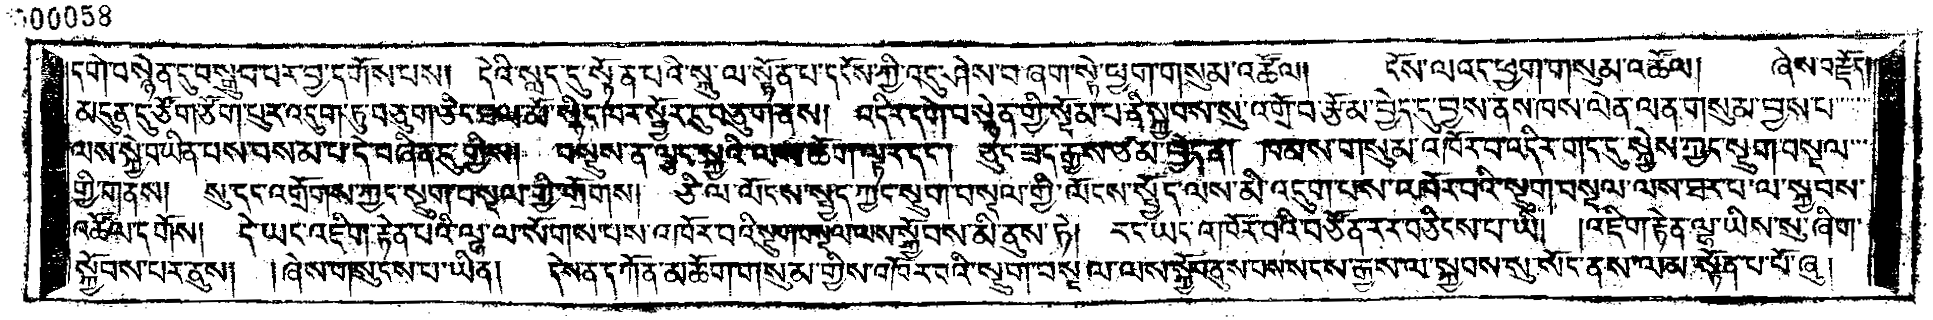དགེ་བསྙེན་དུ་བསྒྲུབ་པར་བྱ་དགོས་པས། དེའི་སླད་དུ་སྟོན་པའི་སྐུ་ལ་སྟོན་པ་དངོས་ཀྱི་འདུ་ཤེས་བཞག་སྟེ་ཕྱག་གསུམ་འཚོལ། ངོས་ལའང་ཕྱག་གསུམ་འཚོལ། ཞེས་བརྗོད།
མདུན་དུ་ཙོག་ཙོག་པུར་འདུག་ཏུ་བཅུག་ཅིང་ཐལ་མོ་སྙིང་ཁར་སྦྱོར་དུ་བཅུག་ནས། འདིར་དགེ་བསྙེན་གྱི་སྡོམ་པ་ནི་སྐྱབས་སུ་འགྲོ་བ་རྩོམ་བྱེད་དུ་བྱས་ནས་ཁས་ལེན་ལན་གསུམ་བྱས་པ་
ལས་སྐྱེ་བ་ཡིན་པས་བསམ་པ་དེ་བཞིན་དུ་གྱིས། བསྡུས་ན་ལྕང་སྐྱའི་ལས་ཆོག་ལྟར་དང་། ཅུང་ཟད་རྒྱས་ཙམ་བྱེད་ན། ཁམས་གསུམ་འཁོར་བ་འདིར་གང་དུ་སྐྱེས་ཀྱང་སྡུག་བསྔལ་
གྱི་གནས། སུ་དང་འགྲོགས་ཀྱང་སྡུག་བསྔལ་གྱི་གྲོགས། ཅི་ལ་ལོངས་སྤྱད་ཀྱང་སྡུག་བསྔལ་གྱི་ལོངས་སྤྱོད་ལས་མི་འདུག་པས་འཁོར་བའི་སྡུག་བསྔལ་ལས་ཐར་པ་ལ་སྐྱབས་
འཚོལ་དགོས། དེ་ཡང་འཇིག་རྟེན་པའི་ལྷ་ལ་སོགས་པས་འཁོར་བའི་སྡུག་བསྔལ་ལས་སྐྱོབས་མི་ནུས་ཏེ། རང་ཡང་འཁོར་བའི་བཙོན་རར་བཅིངས་པ་ཡི། །འཇིག་རྟེན་ལྷ་ཡིས་སུ་ཞིག་
སྐྱོབས་པར་ནུས། །ཞེས་གསུངས་པ་ཡིན། དེས་ན་དཀོན་མཆོག་གསུམ་གྱིས་འཁོར་བའི་སྡུག་བསྔལ་ལས་སྐྱོབ་ནུས་པས་སངས་རྒྱས་ལ་སྐྱབས་སུ་སོང་ནས་ལམ་སྟོན་པ་པོ་ཞུ།